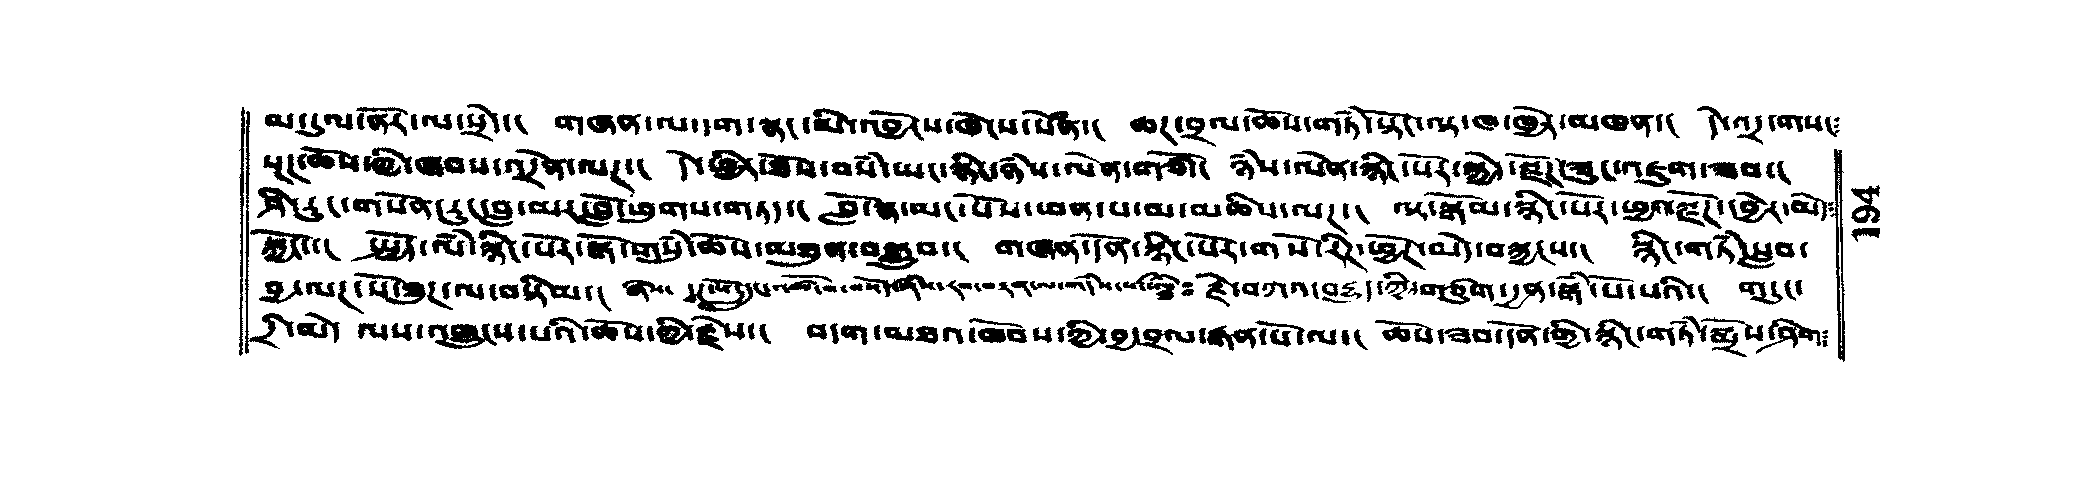མ་དུལ་ནོར་ལ་སྲེད། །གཞན་ལ་དག་སྣང་མི་འབྱོངས་ཁེངས་སེམས་ཅན། །ཆགས་བྲལ་ཆོས་གཏམ་སྟོང་ལྟ་ཁ་ཁྱེར་མཁན། །དེ་འདྲ་གསང་
སྔགས་ཆོས་ཀྱི་ཞབས་འདྲེན་ལགས། །དེ་ཕྱིར་ཐོས་བསམ་ཡང་སྙིང་ཉམས་ལེན་གཙོ། །ཉམས་ལེན་སྙིང་པོར་བསྐྱེད་རྫོགས་ཟུང་འཇུག་ཟབ། །
ཤི་རུང་གསོན་རུང་བླ་མར་བློ་ཕུགས་གཏད། །བློ་སྣ་མང་པོས་ཕན་པ་མ་མཆིས་ལགས། །ལྟ་སྒོམ་སྙིང་པོར་ཕྱག་རྫོགས་དབྱེར་མེད་
སྐྱོང་། །སྤྱོད་ལམ་སྙིང་པོར་སྒོ་གསུམ་ཆོས་མཐུན་བསྒྲུབ། །གཞན་དོན་སྙིང་པོར་གསོ་རིག་ཕྱོགས་མེད་བསྐྱངས། །སྙིང་གཏམ་བསླབ་
བྱ་ལགས་སོ་ཐུགས་ལ་བསྟིམ།ཞེས་དྭགས་པོ་དྲུང་འཚོ་བ་བསོད་ནམས་རབ་བརྟན་ལ་གདམས་པ་།། རྗེ་བཀའ་བརྒྱུད་ཀྱི་གཙུག་རྒྱན་སྒམ་པོ་པའི། །གདུང་
དྲི་མེད་ལས་འཁྲུངས་པའི་ཆོས་ཀྱི་རྗེས། །བདག་མཐའ་ཁོབས་ཀྱི་བྱ་བྲལ་རྒན་པོ་ལ། །ཆོས་ཟབ་དོན་གྱི་སྙིང་གཏམ་སྨྲོས་ཤིག་